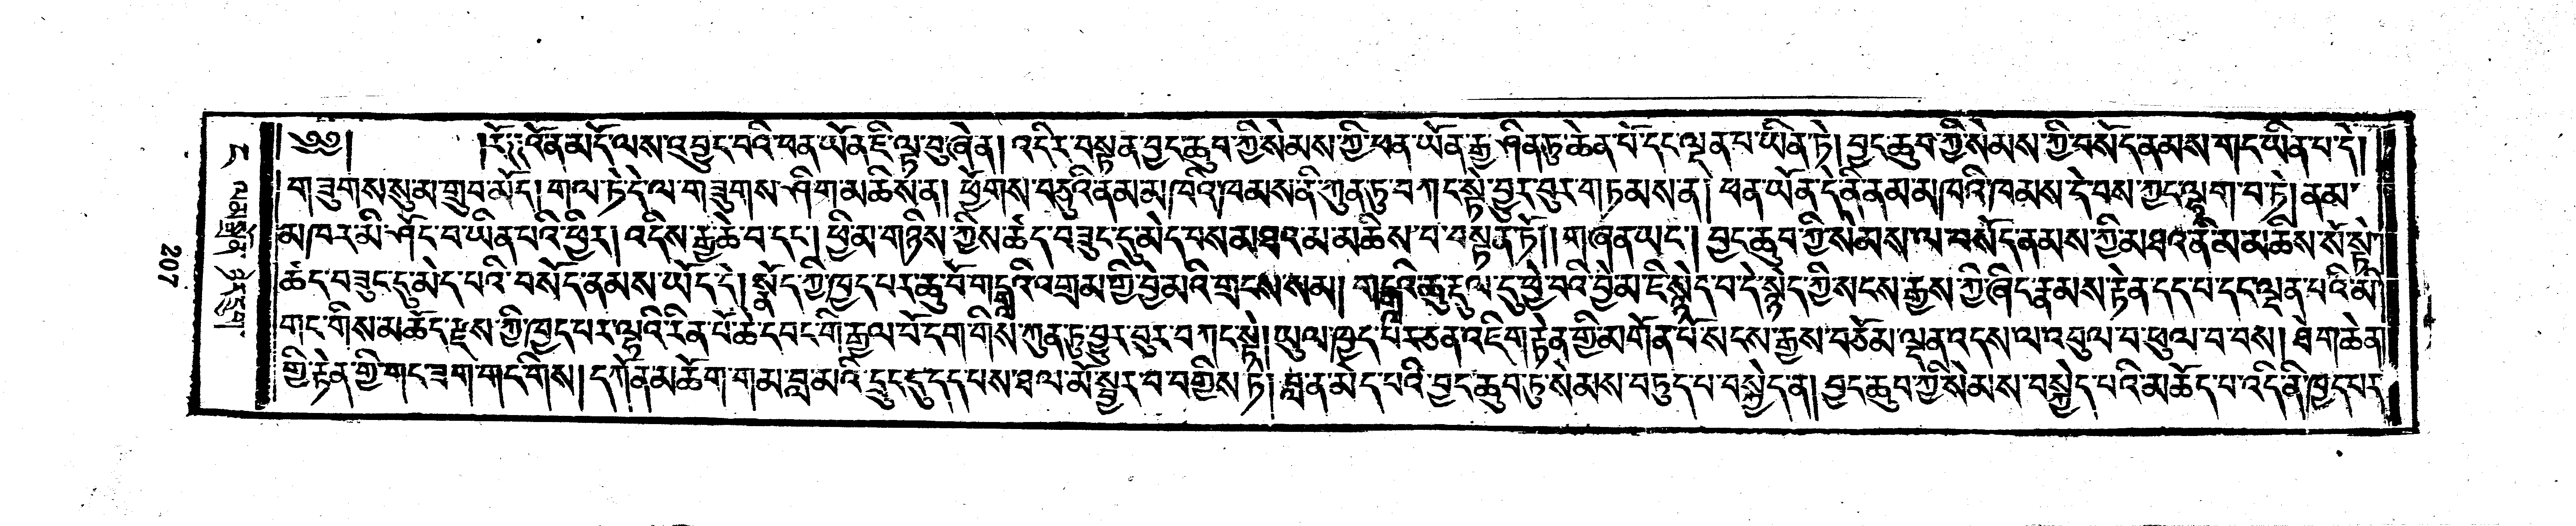༄༅། །རོ། །འོ་ན་མདོ་ལས་འབྱུང་བའི་ཕན་ཡོན་ཇི་ལྟ་བུ་ཞེ་ན། འདིར་བསྟན་བྱང་ཆུབ་ཀྱི་སེམས་ཀྱི་ཕན་ཡོན་རྒྱ་ཤིན་ཏུ་ཆེན་པོ་དང་ལྡན་པ་ཡིན་ཏེ། བྱང་ཆུབ་ཀྱི་སེམས་ཀྱི་བསོད་ནམས་གང་ཡིན་པ་དེ།
གཟུགས་སུ་མ་གྲུབ་མོད། གལ་ཏེ་དེ་ལ་གཟུགས་ཤིག་མཆིས་ན། ཕྱོགས་བཅུའི་ནམ་མཁའི་ཁམས་ནི་ཀུན་ཏུ་བཀང་སྟེ་བྱུར་བུར་གཏམས་ན། ཕན་ཡོན་དེ་ནི་ནམ་མཁའི་ཁམས་དེ་བས་ཀྱང་ལྷག་པ་ཏེ། ནམ་
མཁར་མི་ཤོང་བ་ཡིན་པའི་ཕྱིར། འདིས་རྒྱ་ཆེ་བ་དང་། ཕྱི་མ་གཉིས་ཀྱིས་ཚད་བཟུང་དུ་མེད་པས་མཐའ་མ་མཆིས་པ་བསྟན་ཏོ། །གཞན་ཡང་། བྱང་ཆུབ་ཀྱི་སེམས་ལ་བསོད་ནམས་ཀྱི་མཐའ་ནི་མ་མཆིས་སོ་སྟེ།
ཚད་བཟུང་དུ་མེད་པའི་བསོད་ནམས་ཡོད་དེ། སྣོད་ཀྱི་ཁྱད་པར་ཆུ་བོ་གངྒཱའི་འགྲམ་གྱི་བྱེ་མའི་གྲངས་སམ། གངྒཱའི་ཆུ་རྡུལ་དུ་ཕྱེ་བའི་བྱེ་མ་ཇི་སྙེད་པ་དེ་སྙེད་ཀྱི་སངས་རྒྱས་ཀྱི་ཞིང་རྣམས་རྟེན་དད་པ་དང་ལྡན་པའི་མི་
གང་གིས་མཆོད་རྫས་ཀྱི་ཁྱད་པར་ལྷའི་རིན་པོ་ཆེ་དབང་གི་རྒྱལ་པོ་དག་གིས་ཀུན་ཏུ་བྱུར་བུར་བཀང་སྟེ། ཡུལ་ཁྱད་པར་ཅན་འཇིག་རྟེན་གྱི་མགོན་པོ་སངས་རྒྱས་བཅོམ་ལྡན་འདས་ལ་འབུལ་བ་ཕུལ་བ་བས། ཐེག་ཆེན་
གྱི་རྟེན་གྱི་གང་ཟག་གང་གིས། དཀོན་མཆོག་གམ་བླ་མའི་དྲུང་དུ་དད་པས་ཐལ་མོ་སྦྱར་བ་བགྱིས་ཏེ། བླ་ན་མེད་པའི་བྱང་ཆུབ་ཏུ་སེམས་བཏུད་པ་བསྐྱེད་ན། བྱང་ཆུབ་ཀྱི་སེམས་བསྐྱེད་པའི་མཆོད་པ་འདི་ནི་ཁྱད་པར་